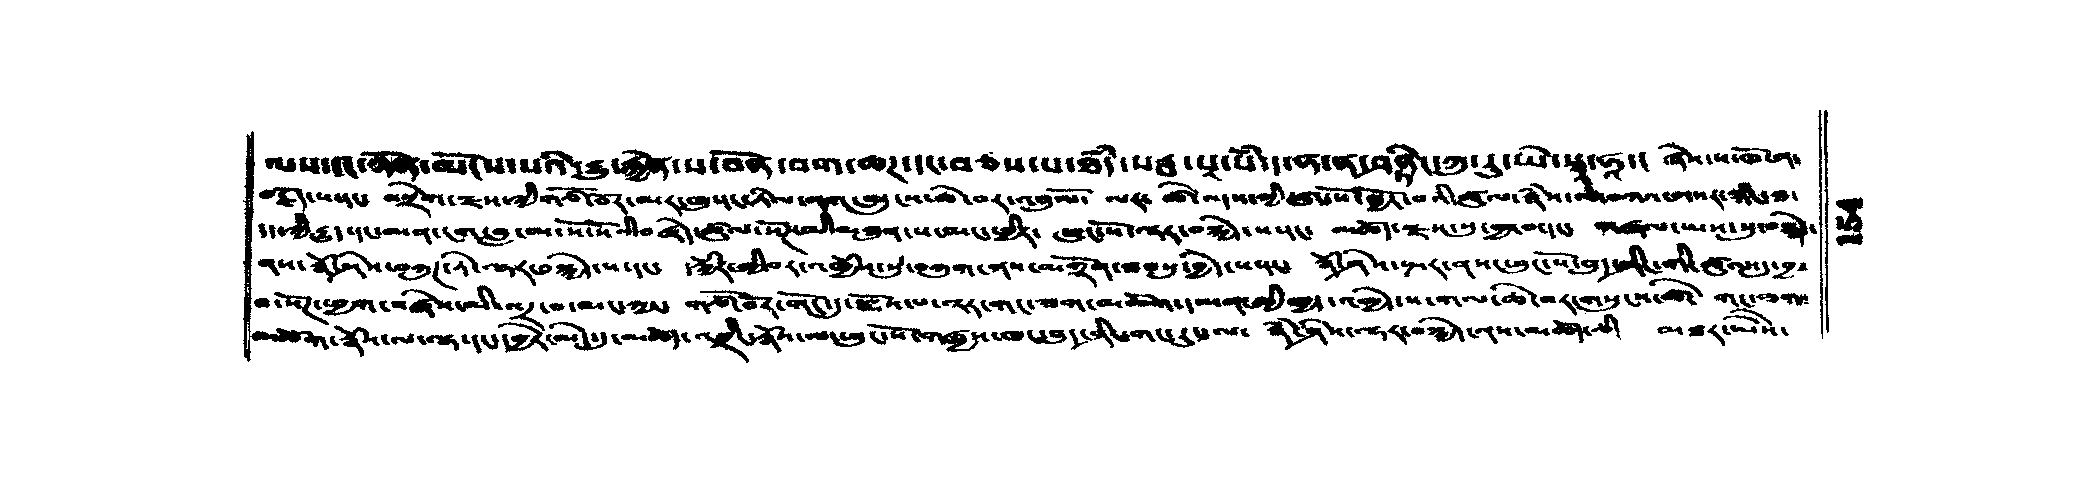ལས་དང་ཉོན་མོངས་པའི་རྒྱུ་རྐྱེན་ས་བོན་བག་ཆགས་དང་བཅས་པ་ཐམས་ཅད་སརྦ་པཱ་པཾ་ད་ན་ཤནྟིང་ཀུ་རུ་ཡེ་སྭཱ་ཧཱ། ཞེས་པ་ཁོ་ན་
བརྗོད་པ་དང་། བསྲེག་རྫས་ཀྱི་གཙོ་བོར་མར་ཁུ་དང་ཏིལ་ནག་སྤུངས་ཆེ་བར་འབུལ་ལོ། ལར། ཚེ་འདས་ཀྱི་ཕུང་པོ་སྦྱོང་བའི་ཚུལ་རྣམས་ལ་བཀའ་གསར་རྙིང་ཐ་
དད་ཀྱི་རྒྱུད་དང་མན་ངག་བླ་མ་སོ་སོའི་བཞེད་ཚུལ་སོགས་མི་མཐུན་པ་མང་ཕྱིར། ཕུང་པོ་ལྷར་བསྐྱེད་པ་དང་། མཆོད་རྫས་སུ་བྱ་བ་དང་། གཞལ་ཡས་སུ་བསྐྱེད་
ནས་རྣམ་ཤེས་བགུགས་ཏེ་ལྷར་བསྐྱེད་པ་དང་། དཀྱིལ་འཁོར་གྱི་བར་འཁྱམས་སུ་བཀུག་ནས་མགྲོན་ཐབས་སུ་བྱེད་པ་དང་། རྣམ་ཤེས་སྤར་ནས་ཕུང་པོ་བུ་ཤིང་གི་ཚུལ་དུ་བྱ་
བ་སོགས་ཕྱག་བཞེས་མི་འདྲ་བ་མང་ཀྱང་། གཙོ་བོར་གོང་དུ་སྨོས་པ་ལྟར་གང་ཟག་མཆོག་དམན་གྱི་ཁྱད་འབྱེད་པ་གལ་ཆེ་བར་གསུངས་ཚེ། གང་ཟག་
མཆོག་རྣམས་ལ་ལྷ་དང་དབྱེར་མེད་དུ་མཆོད། འབྲིང་རྣམས་ལ་ཕུང་པོ་གཞལ་ཡས་ཁང་བུད་ཤིང་གང་རུང་ལ། རྣམ་ཤེས་ལྷར་བསྐྱེད་ནས་མཆོད། མཐར་ཡེ་ཤེས་